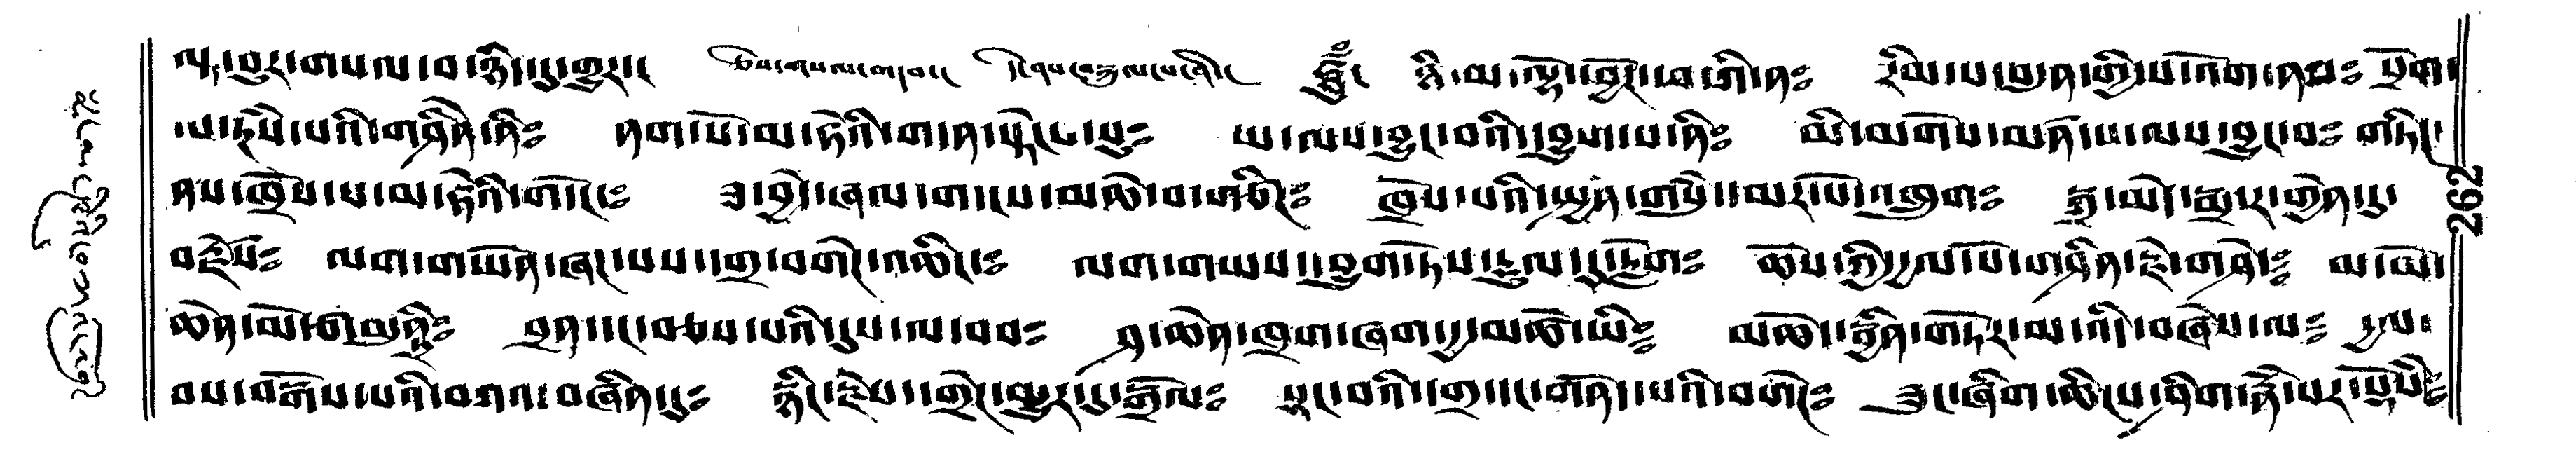ལྟ་བུར་གསལ་བ་ཉིད་དུ་གྱུརཿ ཅེས་གསལ་གདབ། དེ་ནས་སྐུལ་པ་ནི། ཧཱུྃཿ ཉི་མ་ལྷོ་ཕྱོགས་ཕ་གི་ནཿ རིམ་པ་བདུན་གྱི་ས་འོག་ནསཿ སྲོག་
ལ་རྔམ་པའི་གཤིན་རྗེ་ནིཿ ནག་པོ་མ་ཧེའི་གདན་སྟེངས་སུཿ ཡ་ལས་བྱུང་བའི་དབྱུག་པ་ནིཿ མི་མགོས་མཚན་པ་ལས་བྱུང་བཿ གཏིང་
ནས་ཁྲོས་པ་མ་ཧེའི་གདོངཿ ཟ་བྱེད་ཞལ་གདངས་ཆེ་བ་གཙིགསཿ ཁྲོས་པའི་སྤྱན་གསུམ་དམར་པོ་འཁྲུགཿ སྐྲ་མེད་སྨ་ར་གྱེན་དུ་
བརྫེསཿ ལག་གཡོན་ཞགས་པས་དགྲ་བགེགས་འཆིངཿ ལག་གཡས་དབྱུག་ཏོས་རྡུལ་དུ་རློགཿ ཆོས་ཀྱི་རྒྱལ་པོ་གཤིན་རྗེ་གཤེདཿ མ་མོ་
ཆེན་མོ་ཙ་མུནྟྲིཿ བྲན་དང་བཅས་པའི་དུས་ལ་བབཿ ཤ་ཆེན་ཁྲག་ཞག་རྒྱ་མཚོ་ཡིཿ མཆོད་སྦྱིན་གཏོར་མ་འདི་བཞེས་ལཿ རྒྱལ་
བས་བསྒོས་པའི་བཀའ་བཞིན་དུཿ སྙིང་རྗེས་དགྲ་བགེགས་མྱུར་དུ་སྒྲོལཿ སྡང་བའི་དགྲ་དང་གནོད་པའི་བགེགསཿ ཟུངས་ཤིག་ཆིངས་ཞིག་རྣམས་པར་སྡོམསཿ